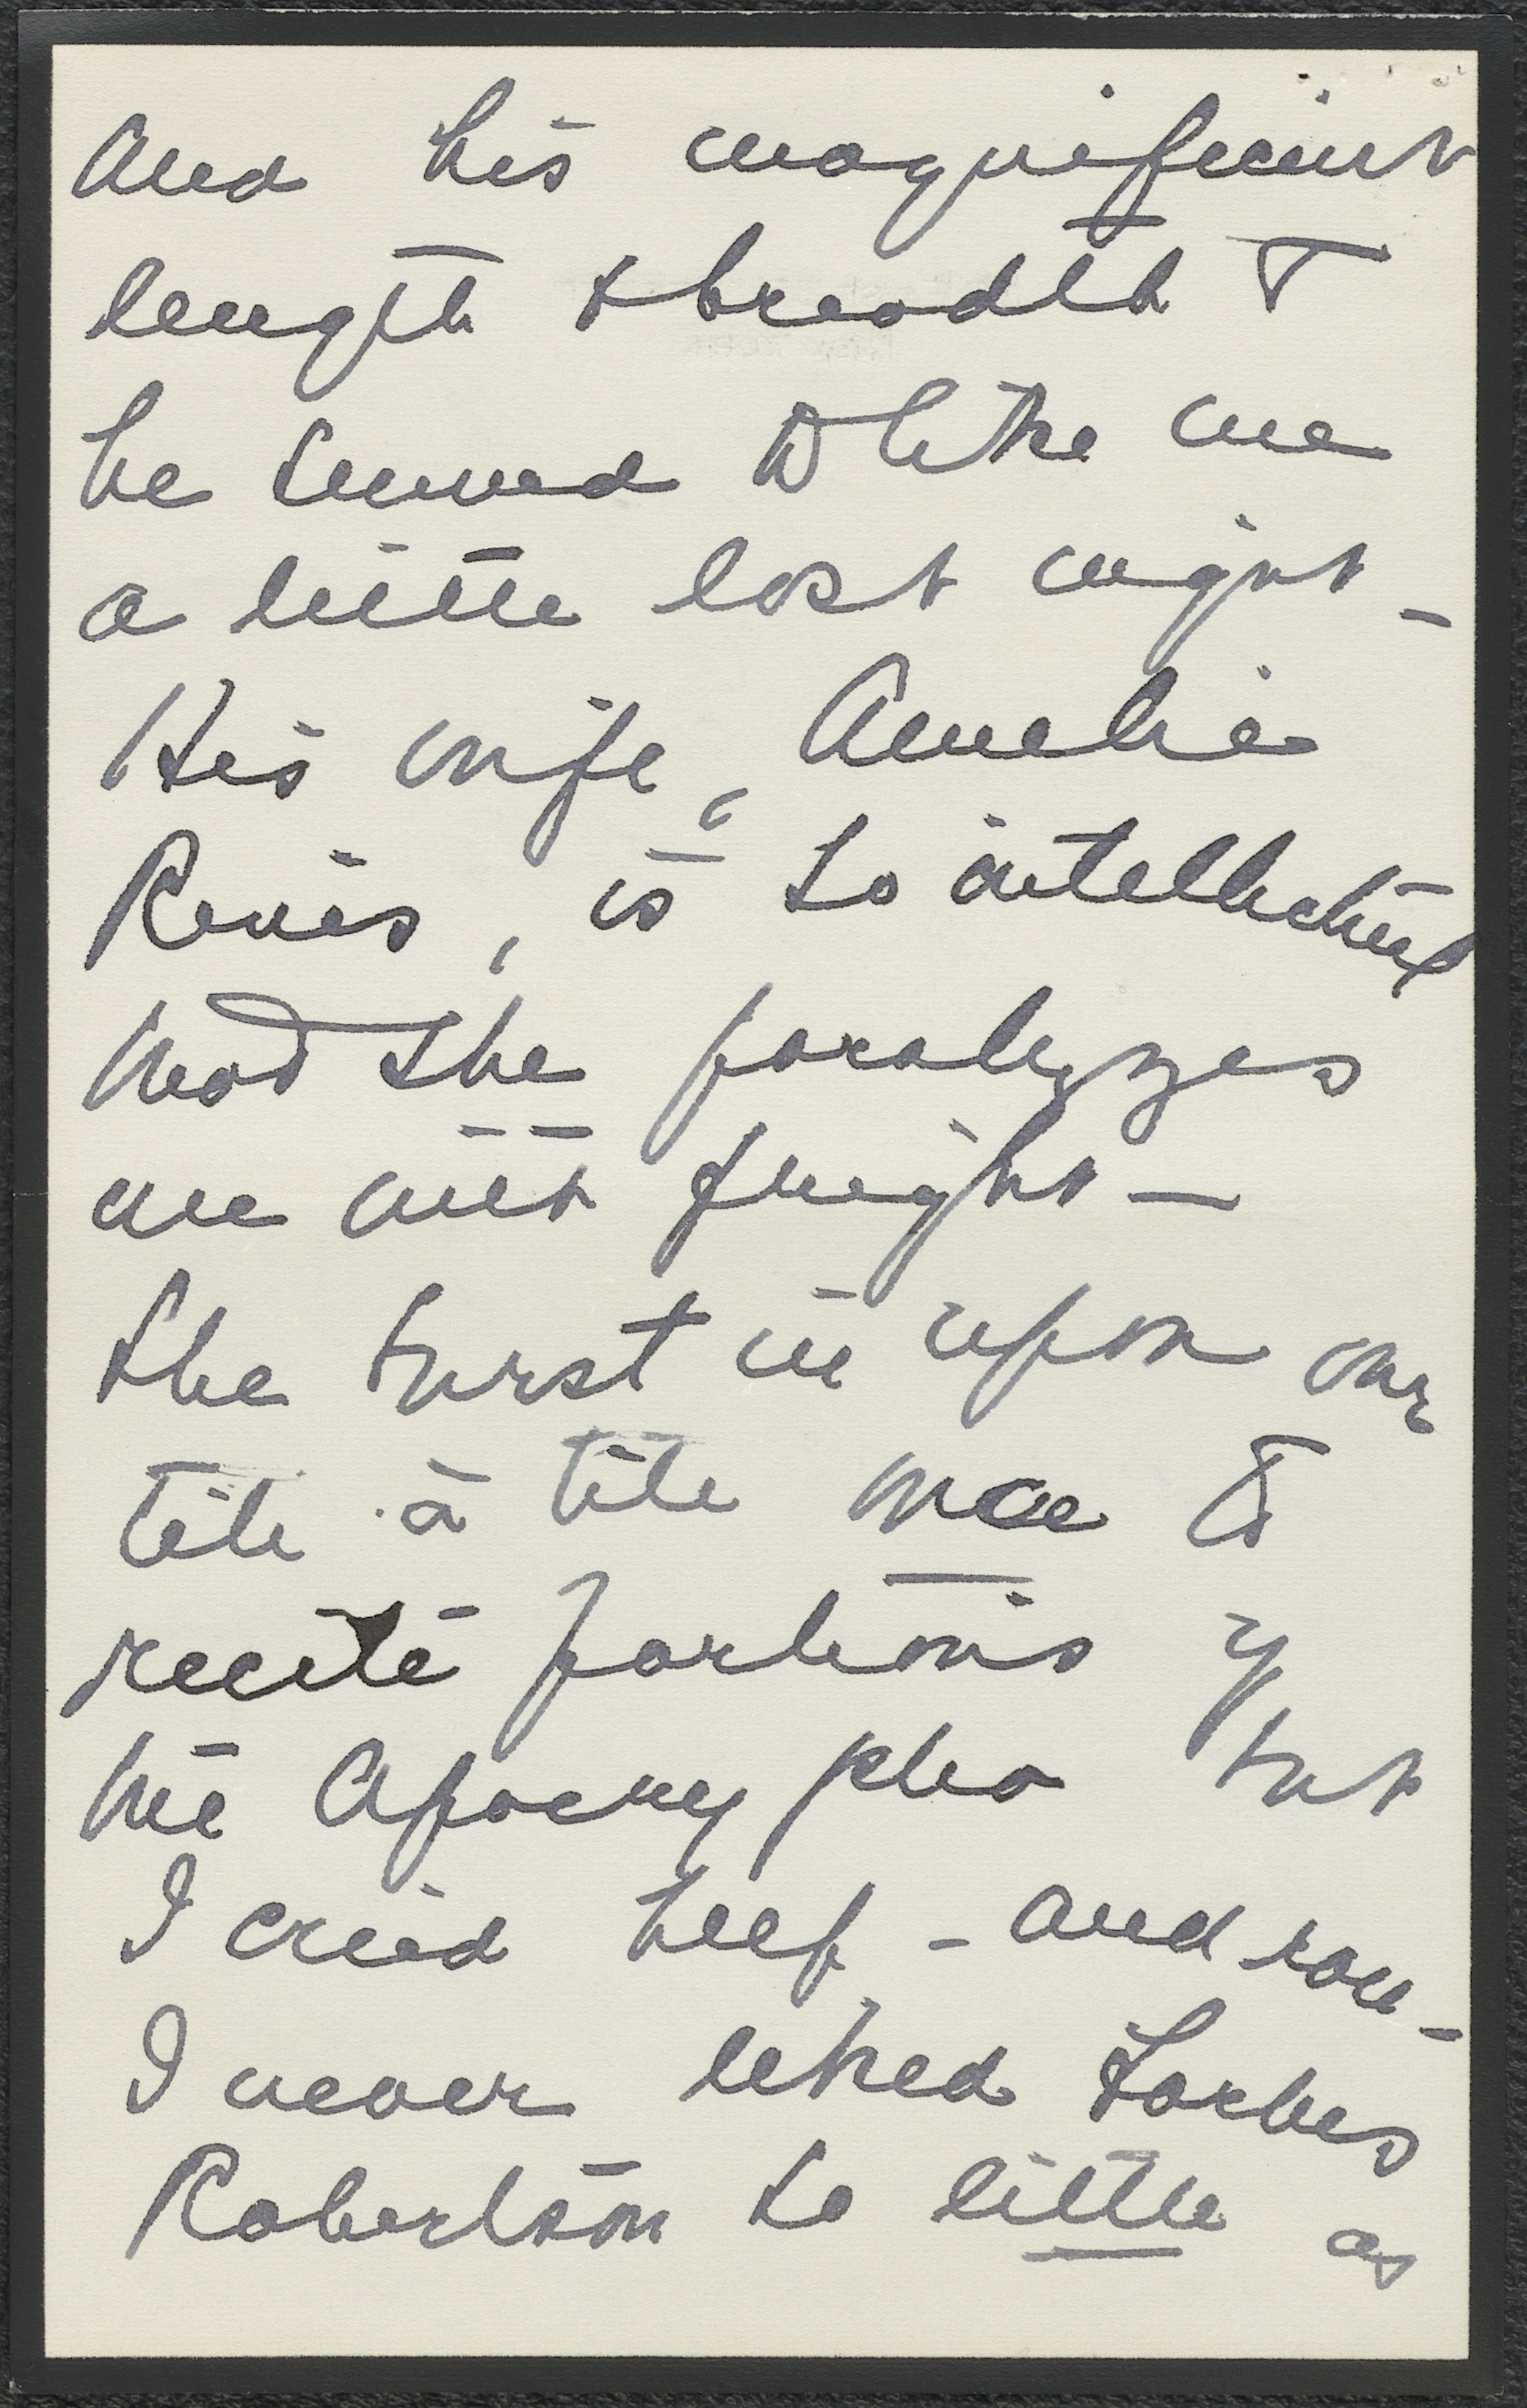and his magnificent length & breadth & he seemed to like me a little last night –
His wife, Amelie Rives, is so intellectual that she paralyzes me with fright –
She burst in upon our tête à tête once to recite portions of the Apocrypha but I cried help – and ran – I never liked Forbes Robertson so little as